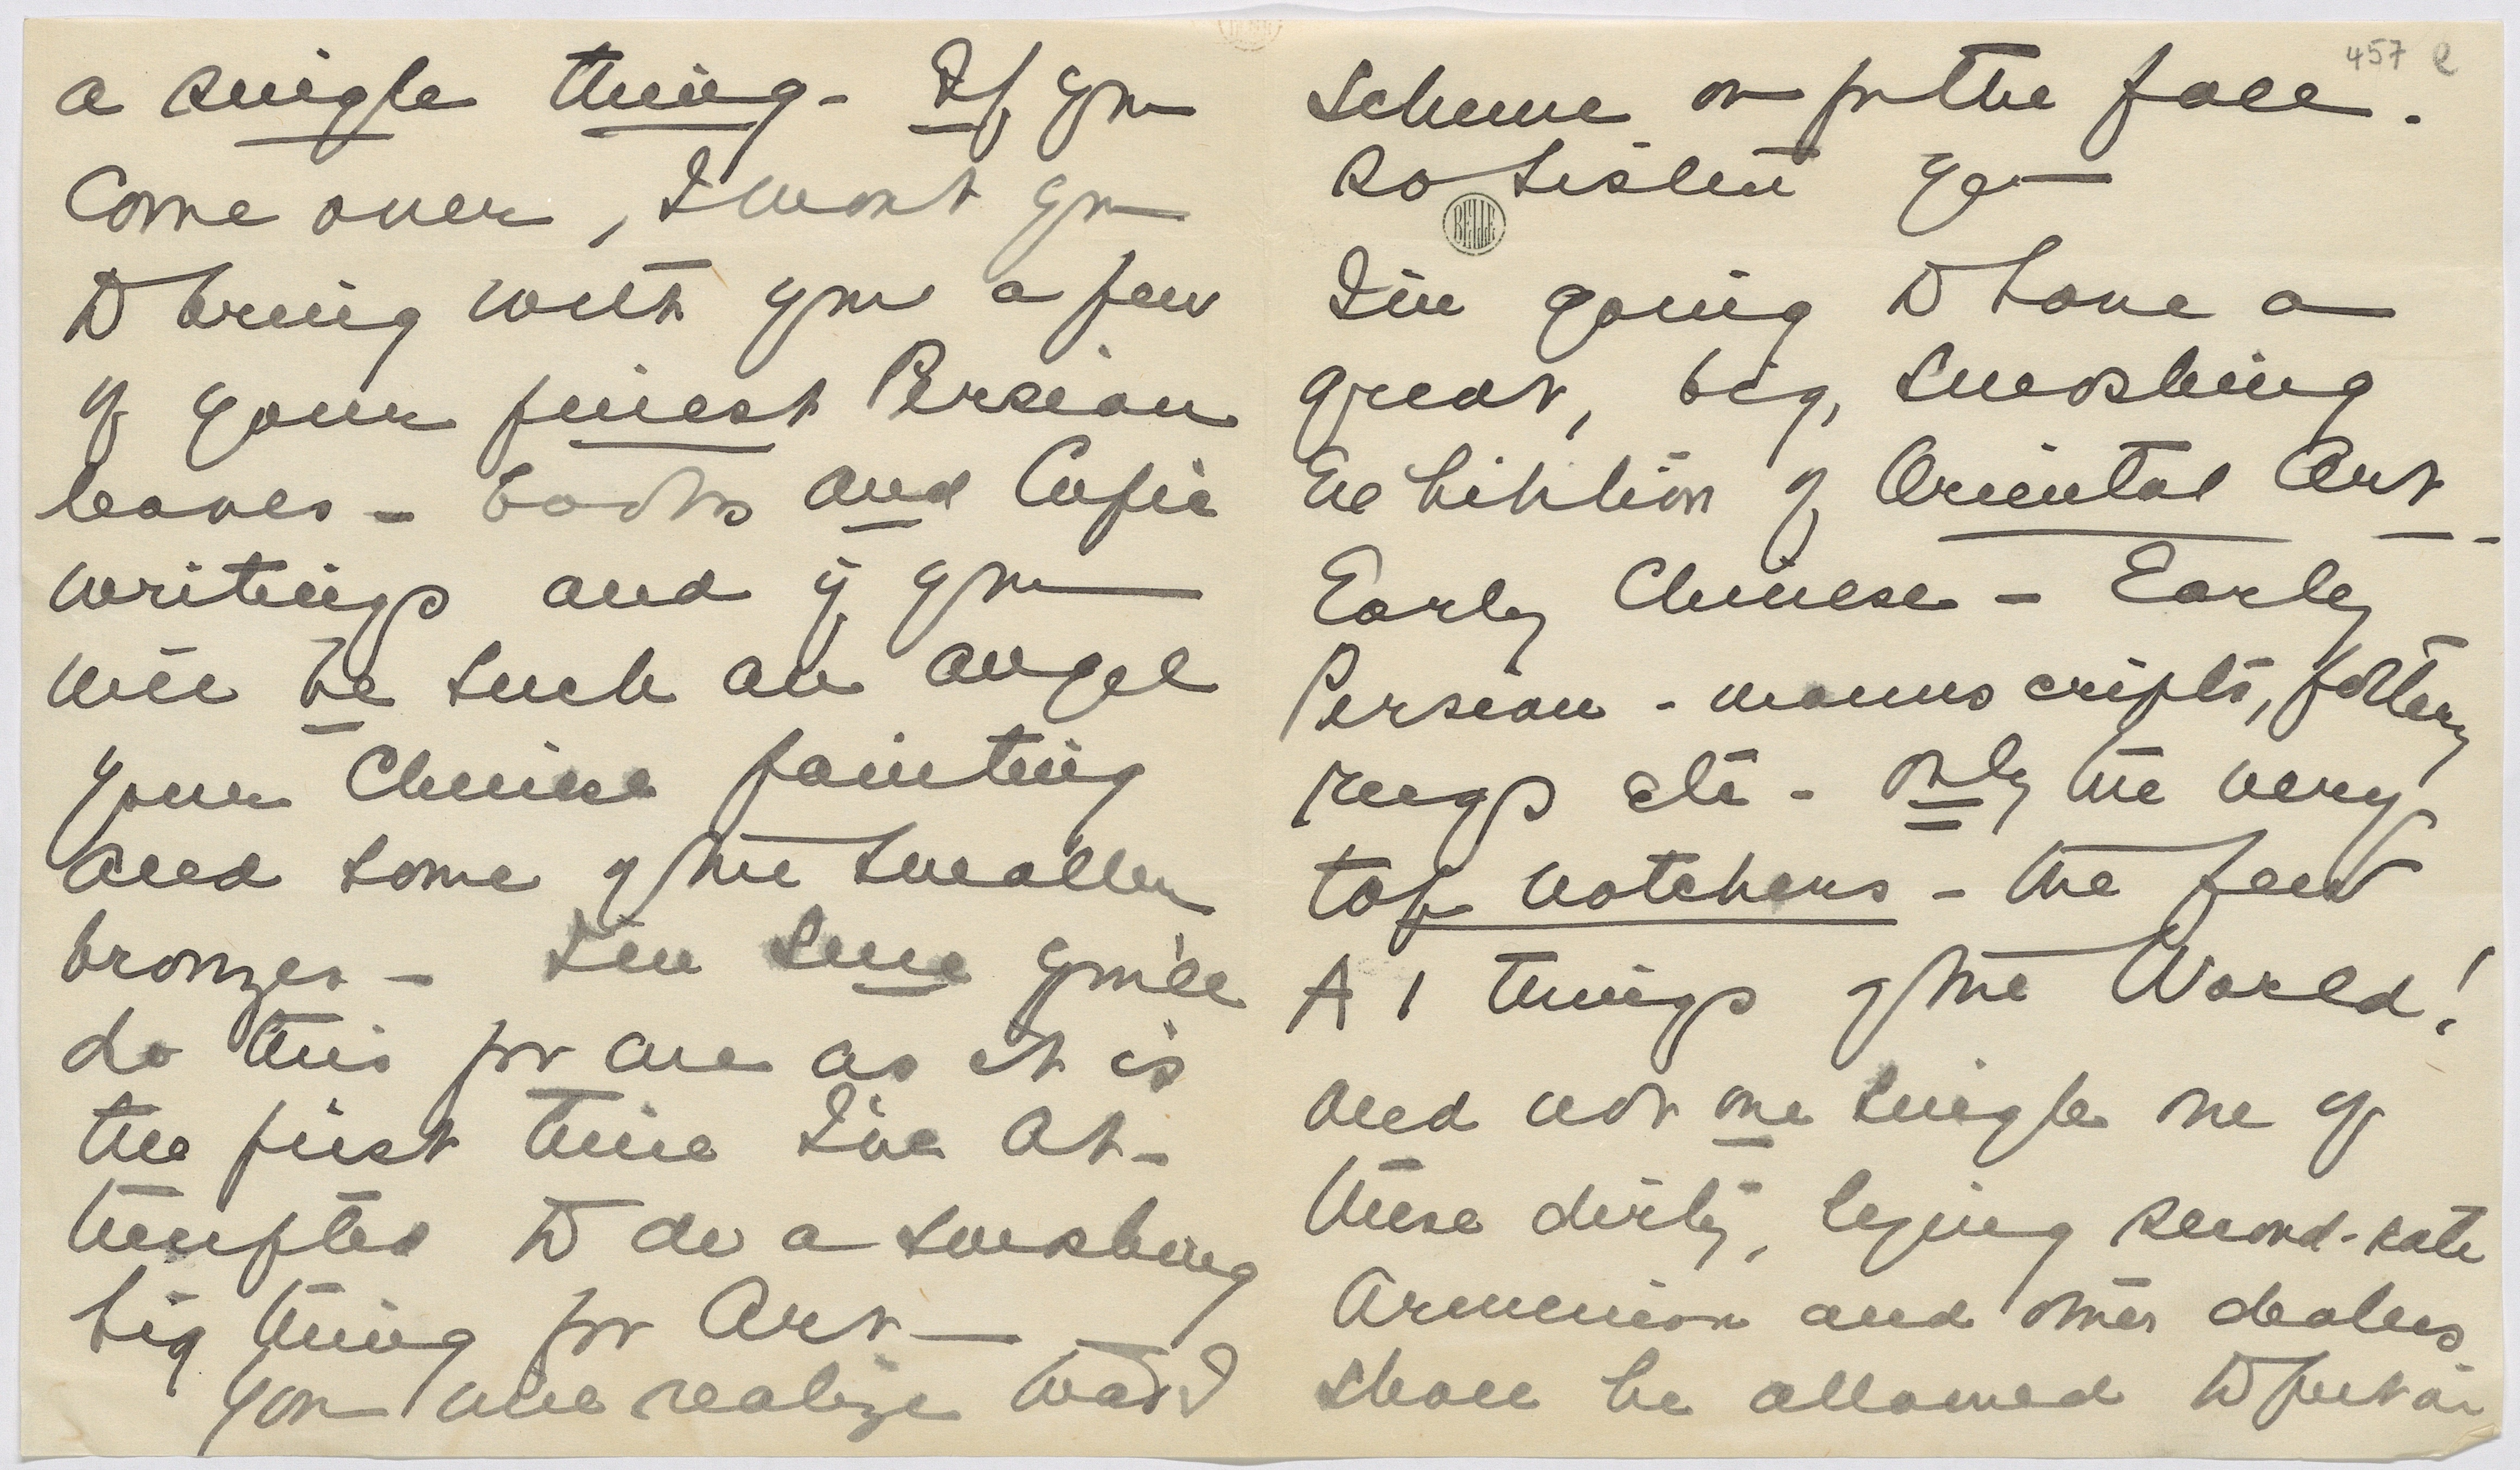scheme on for the fall. so listen up –
I’m going to have a great, big, smashing exhibition of Oriental Art – Early Chinese – Early Persian – manuscripts, pottery, rugs etc. [double underlined: only] the very top notchers – the few A1 things of the world! and not one single one of these dirty, lying second-rate Armenian and other dealers shall be allowed to put in
a single thing – if you come over, I want you to bring with you a few of your finest Persian leaves – books and Cufic writings and if you will be such an angel your Chinese painting and some of the smaller bronzes – I’m sure you’ll do this for me as it is the first time I’ve attempted to do a smashing big thing for art –
You will realize that I